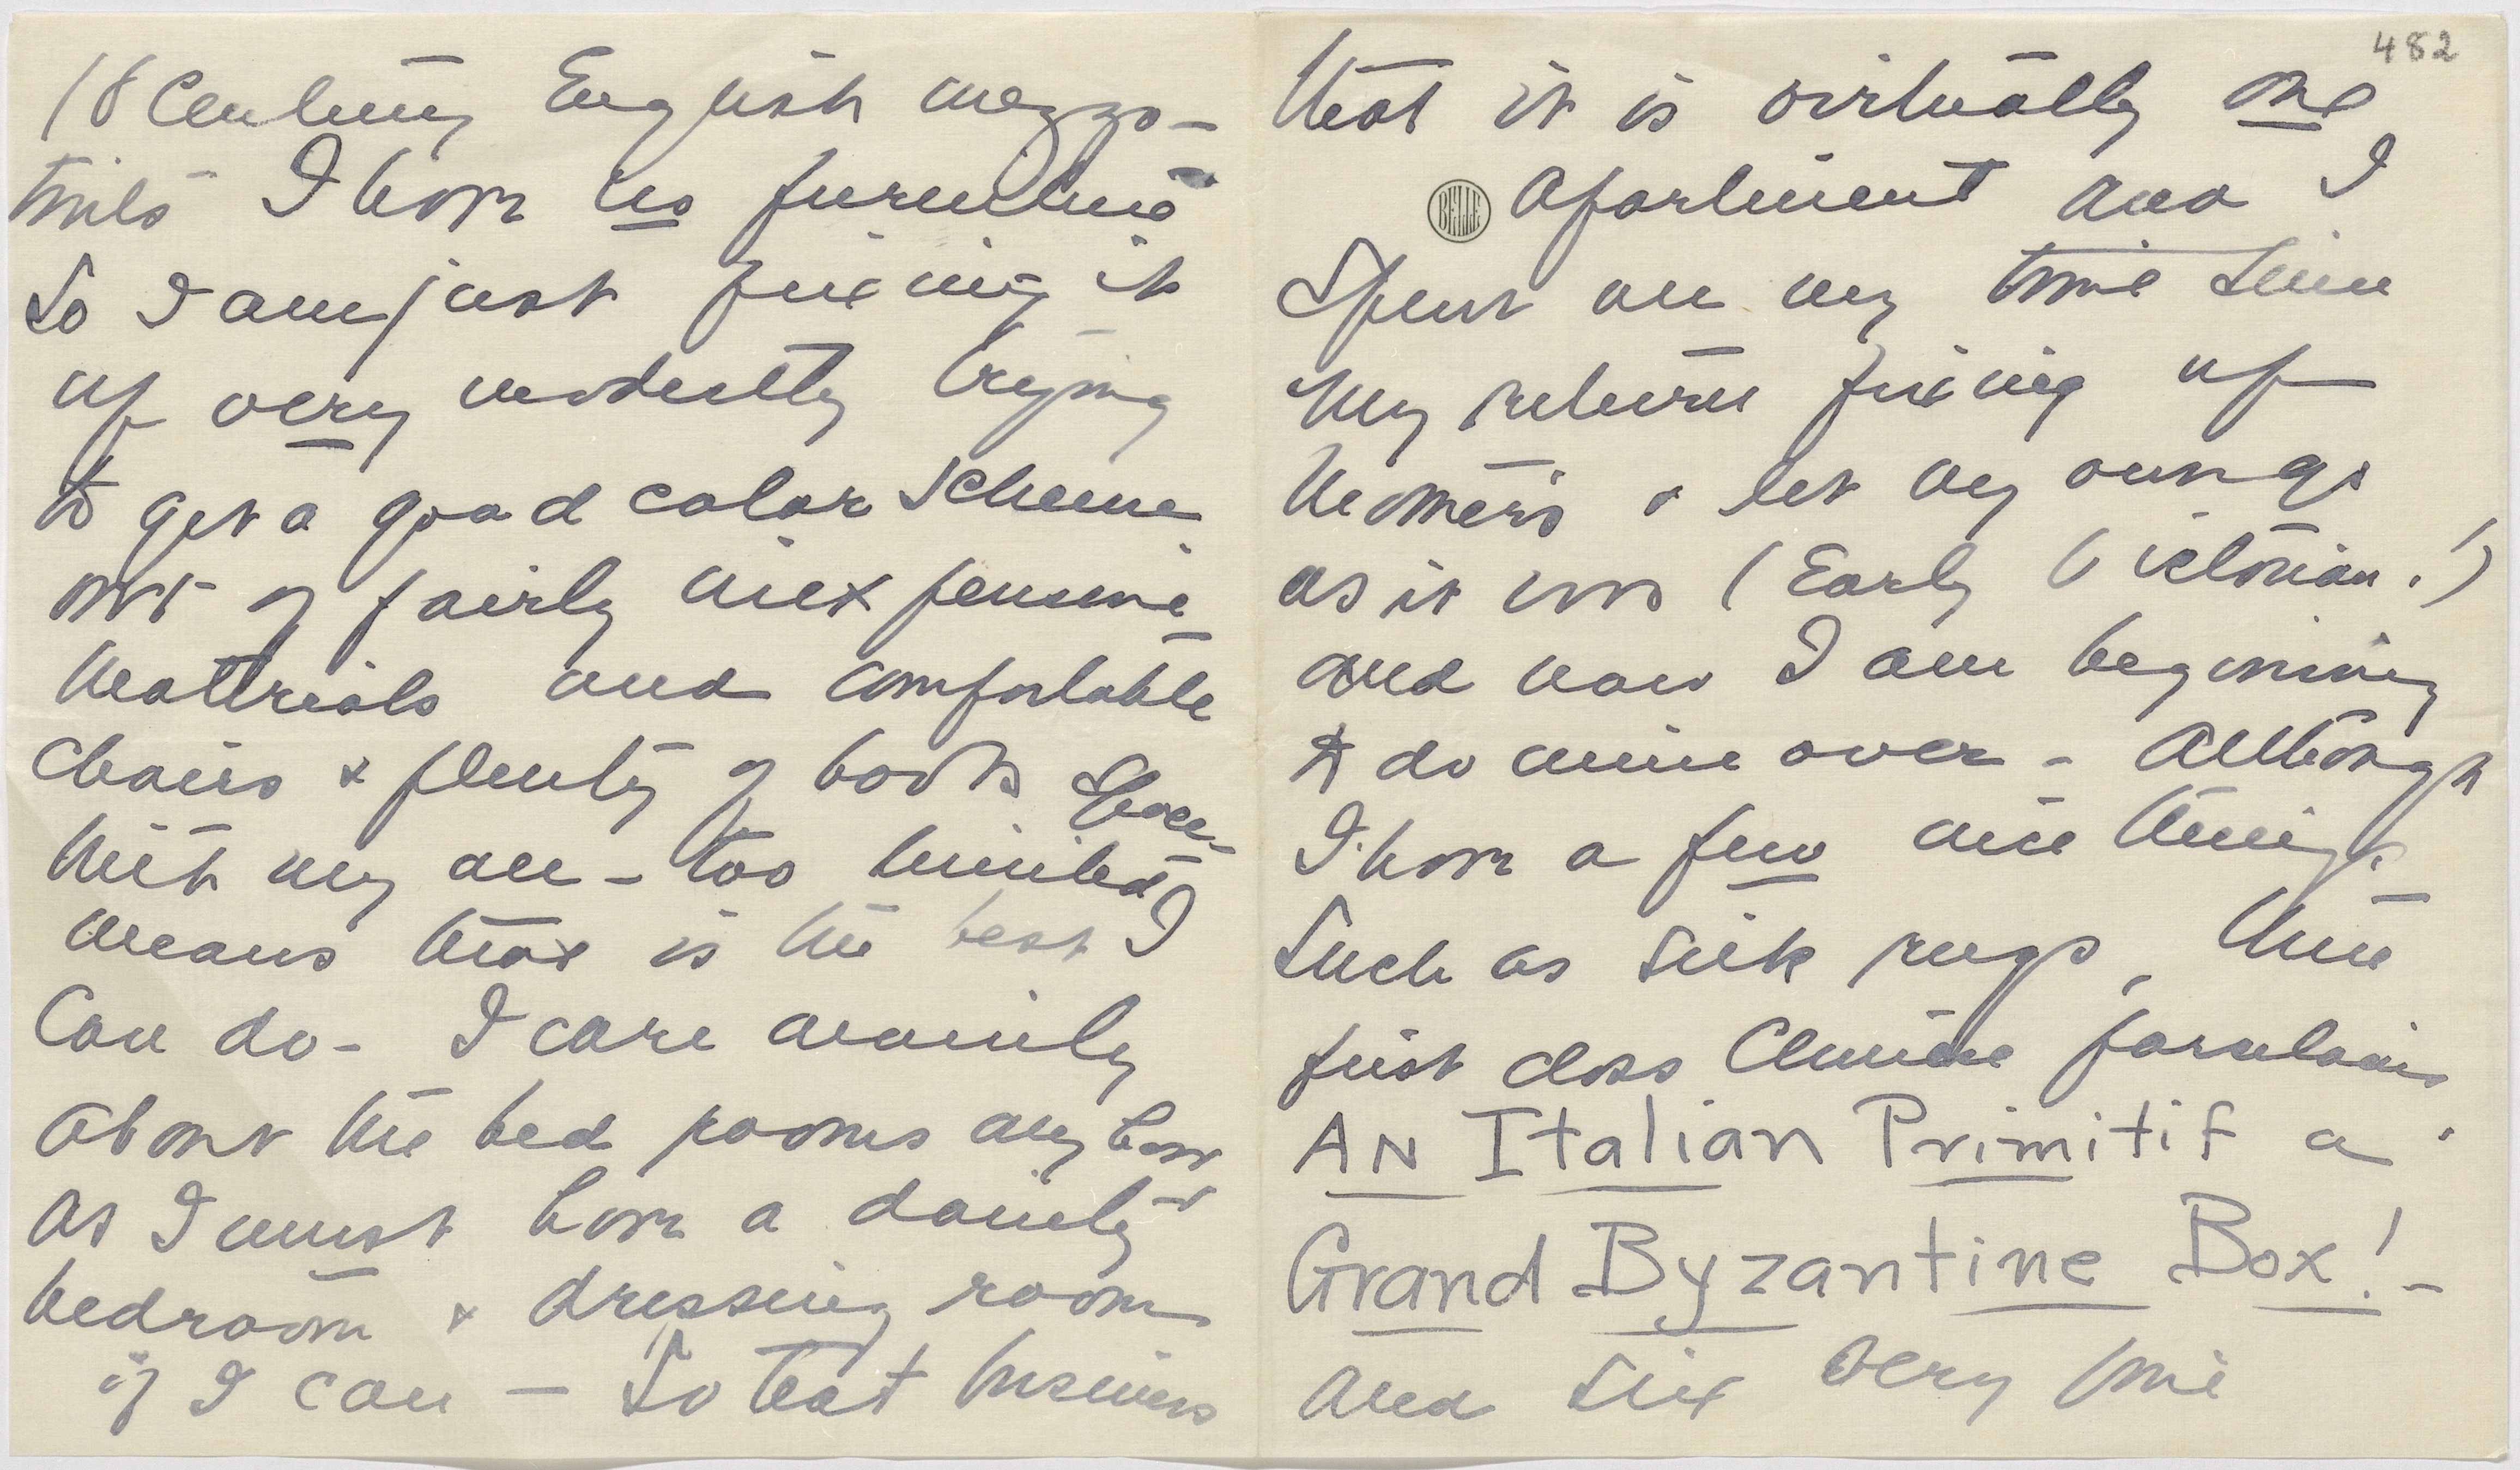that it is virtually one apartment and I spent all my time since my return fixing up Mother’s & let my own go as it was (Early Victorian!) and now I am beginning to do mine over – Although I have a few nice things such as silk tugs, three first class Chinese porcelains, [in printed script: AN Italian Primitif a Grand Byzantine Box!] – and six very fine
18 century English mezzotints I have no furniture so I am just fixing it up very modestly trying to get a good color scheme out of fairly inexpensive materials and comfortable chairs & plenty of books of course [?] with my all-too limited means that is the best I can do – I care mainly about the bed rooms any how, as I must have a dainty bedroom & dressing room if I can – So that business